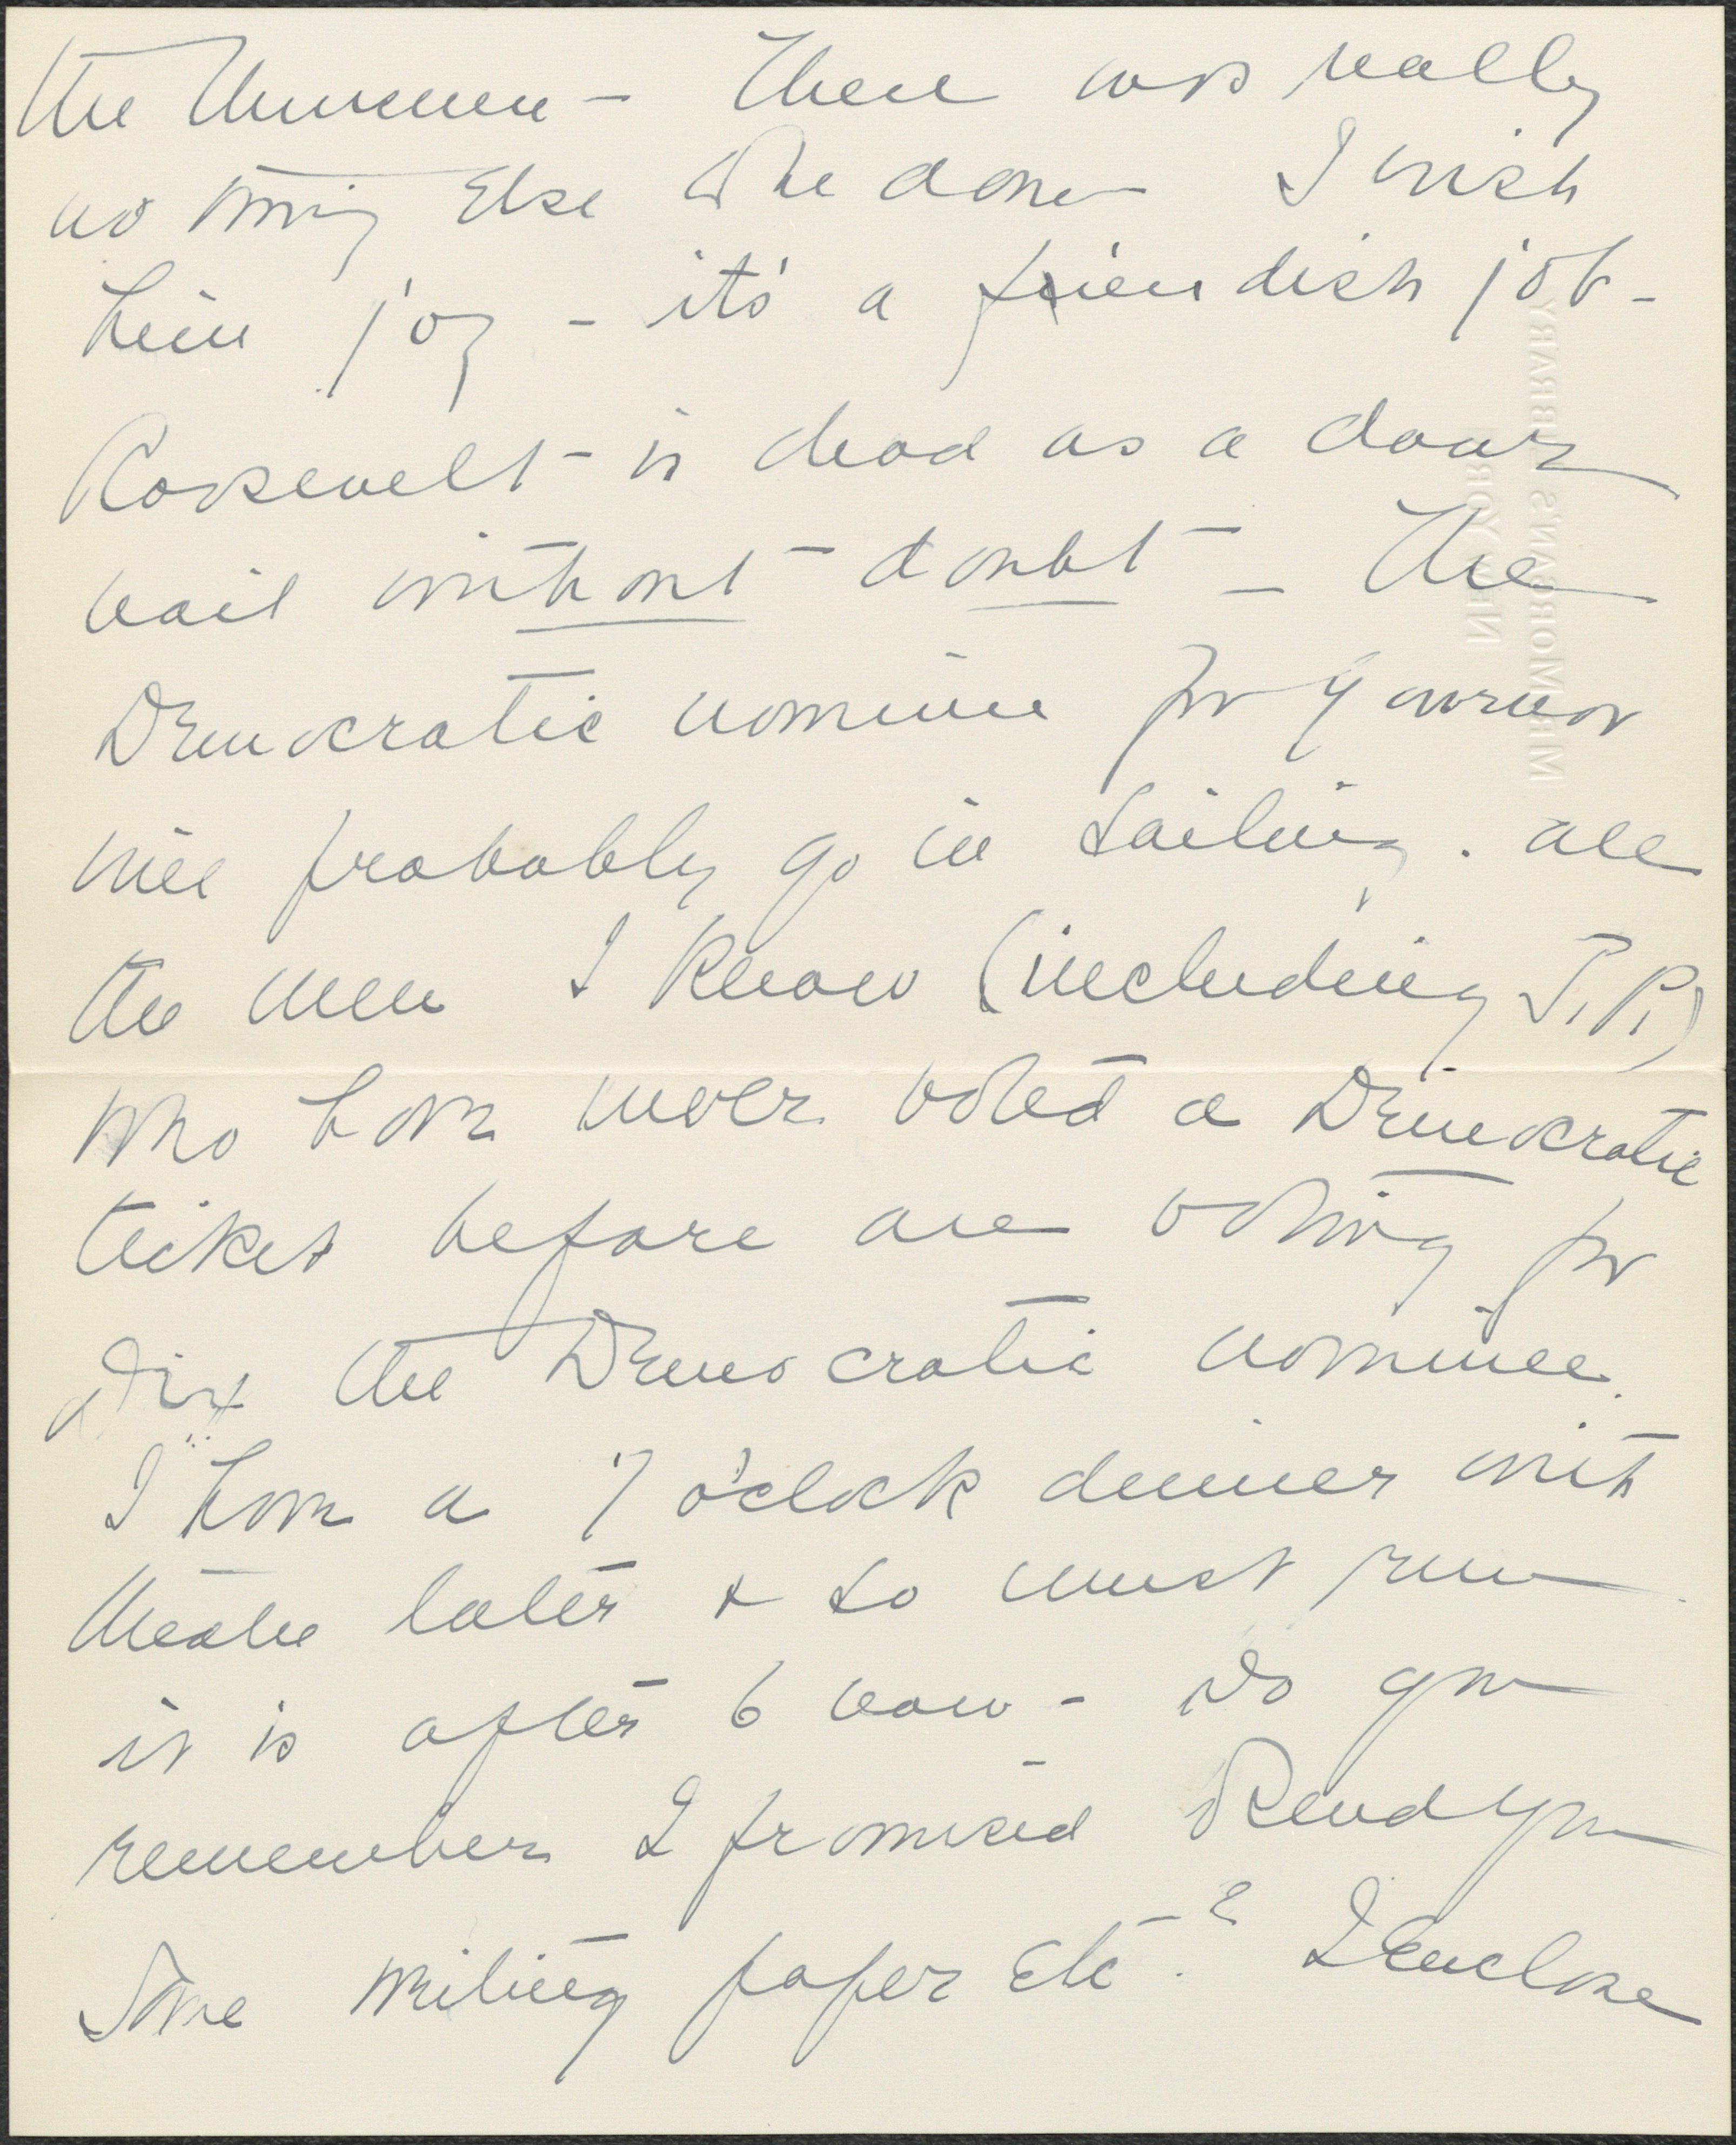the Museum – There was really no thing else to be done – I wish him joy – it’s a fiendish job – Roosevelt is dead as a door nail without doubt – The Democratic nominee for Governor will probably go in sailing. All the men I know (including J. P.) who have never voted a Democratic ticket before are voting for Dix the Democratic nominee.
I have a 7 o’clock dinner with theatre later & so must run it is after 6 now – Do you remember I promised to send you some writing paper etc? I enclose